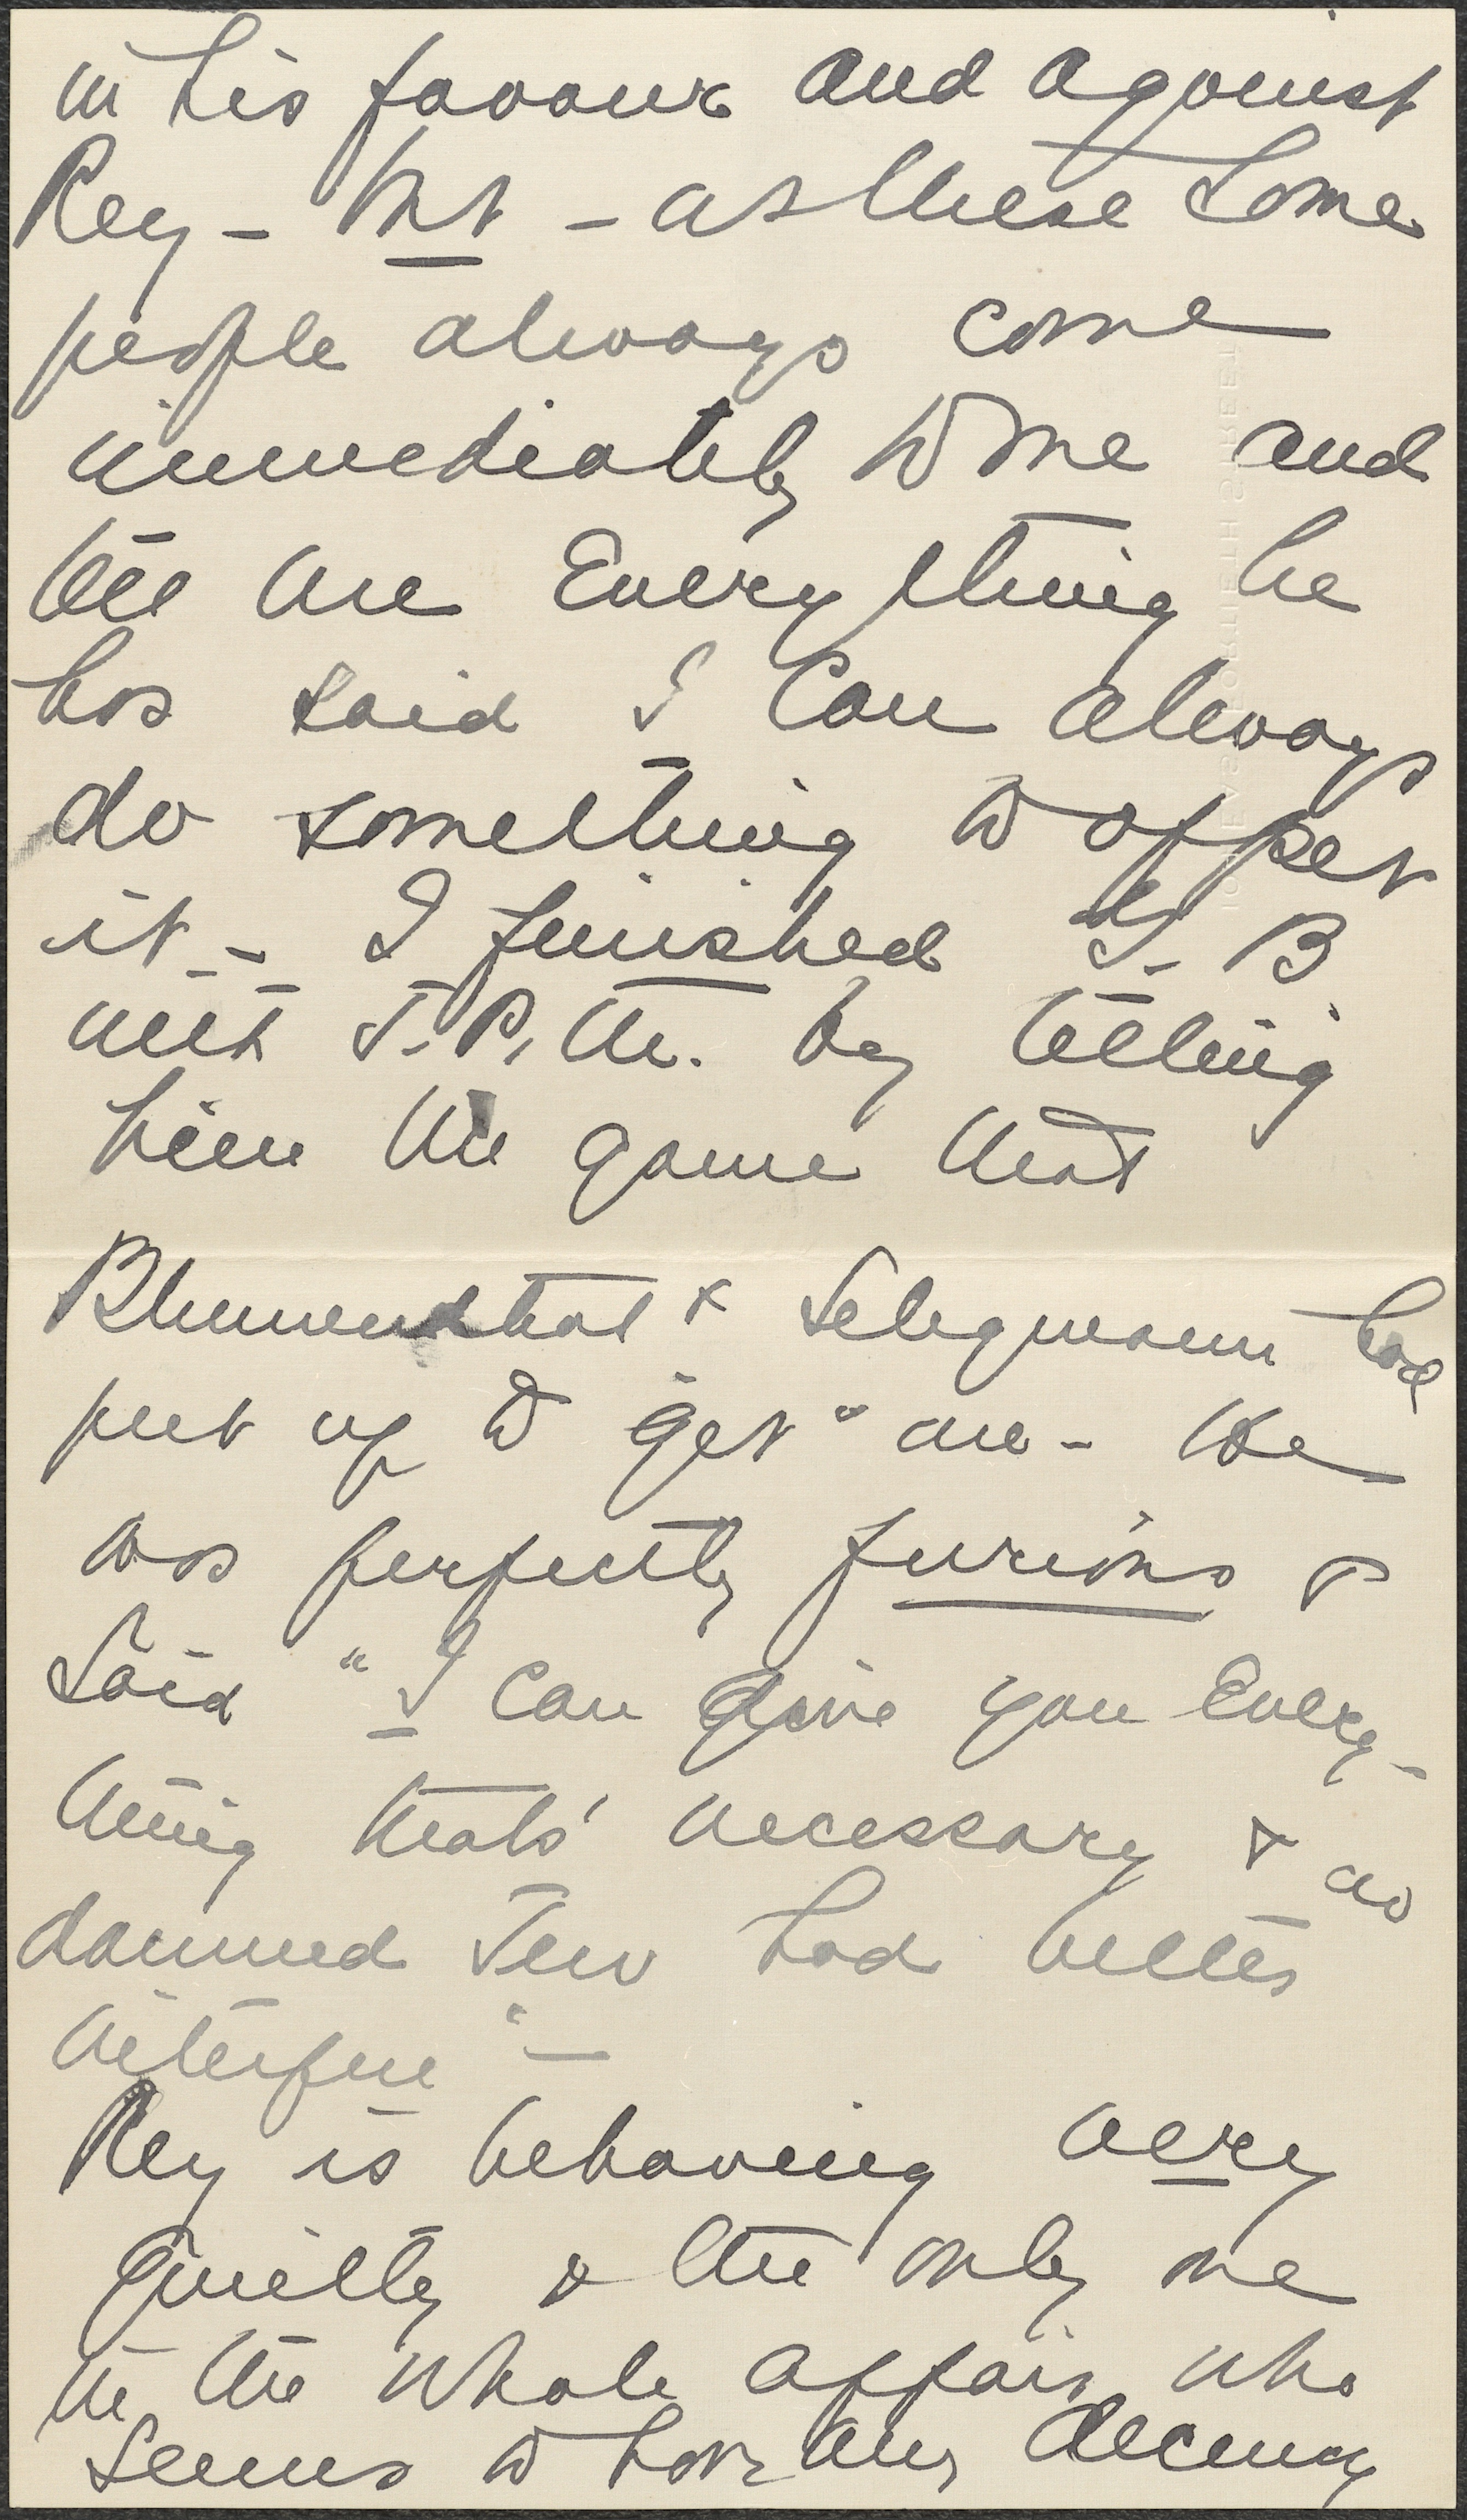in his favour and against Rey – but – as these same people always come immediately to me and tell me everything he has said I can always do something to offset it – I finished G. B. with J. P. M. by telling him the game that Blumenthal & Seligmann had put up to get me – He was perfectly furious & said “I can give you everything that’s necessary & no damned Jew had better interfere” –
Rey is behaving very quietly & the only one in the whole affair who seems to have any decency